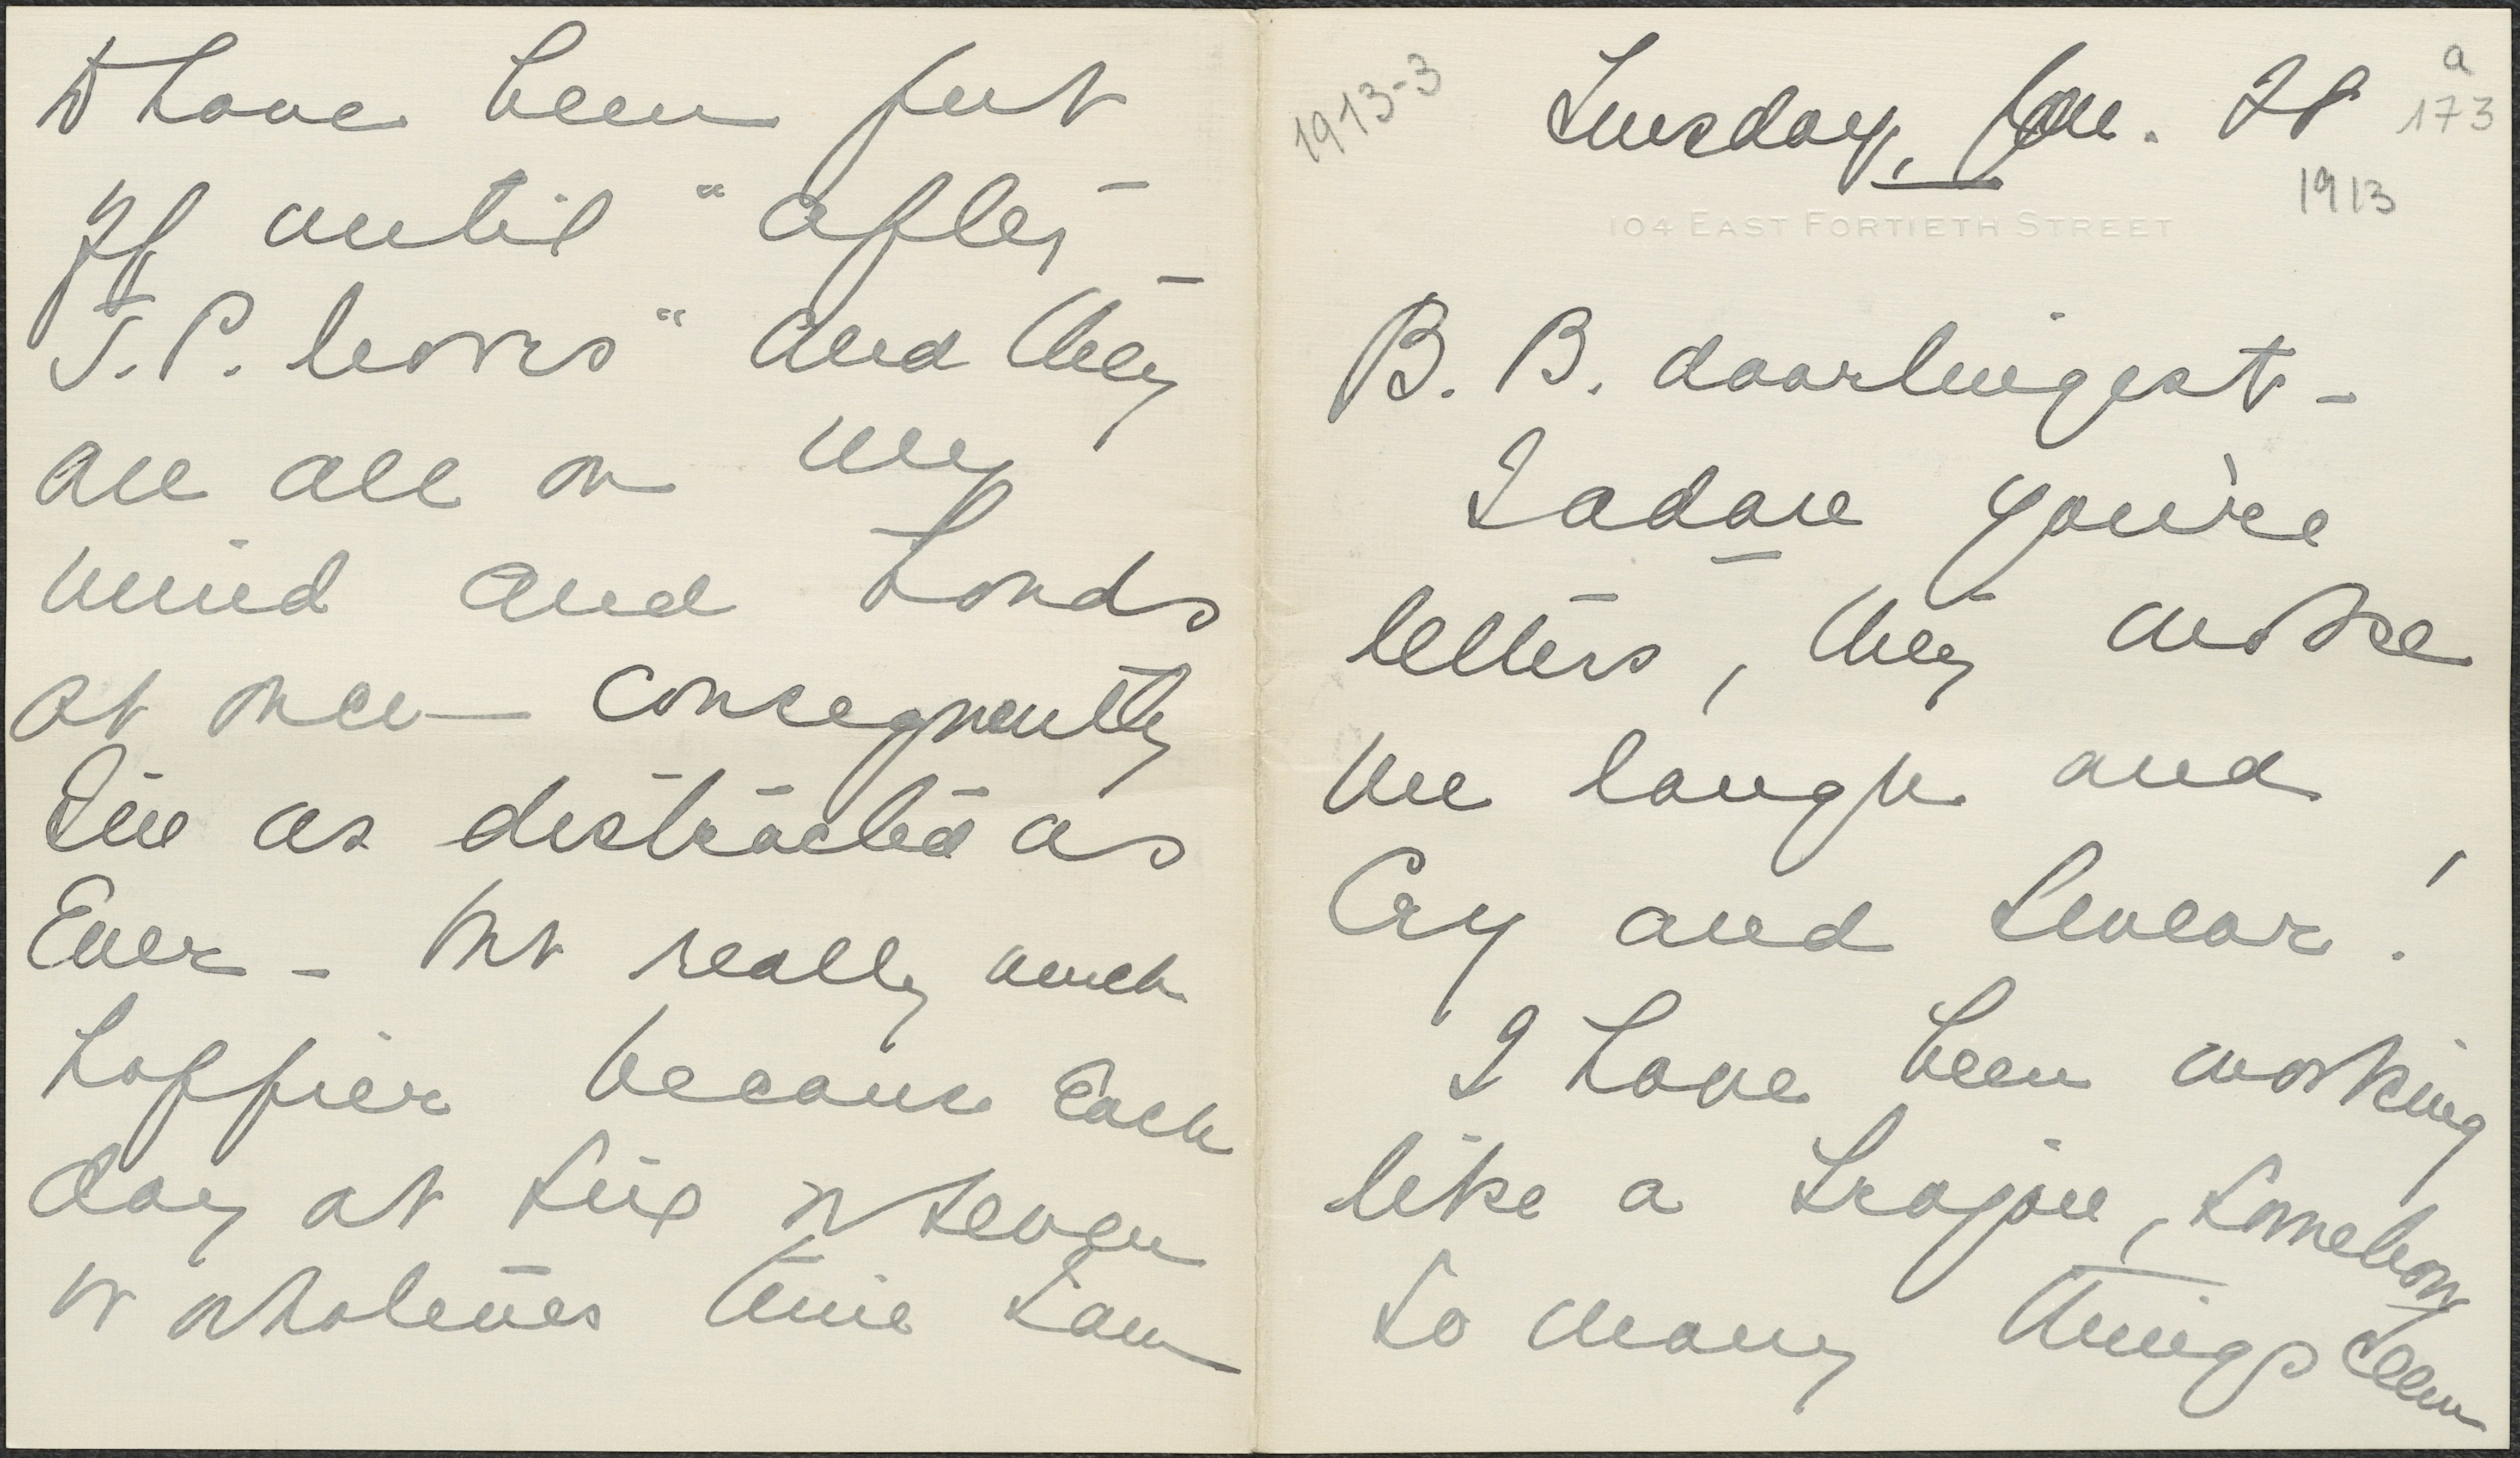Tuesday, Jan. 28
B. B. daarlingest –
I adore you’re [sic] letters, they make me laugh and cry and swear! I have been working like a Trojan, somehow so many things seem
to have been put off until “after J. P. leaves” and they are all on my mind and hands at once – consequently I’m as distracted as ever – but really much happier because each day at six or seven or whatever time I am